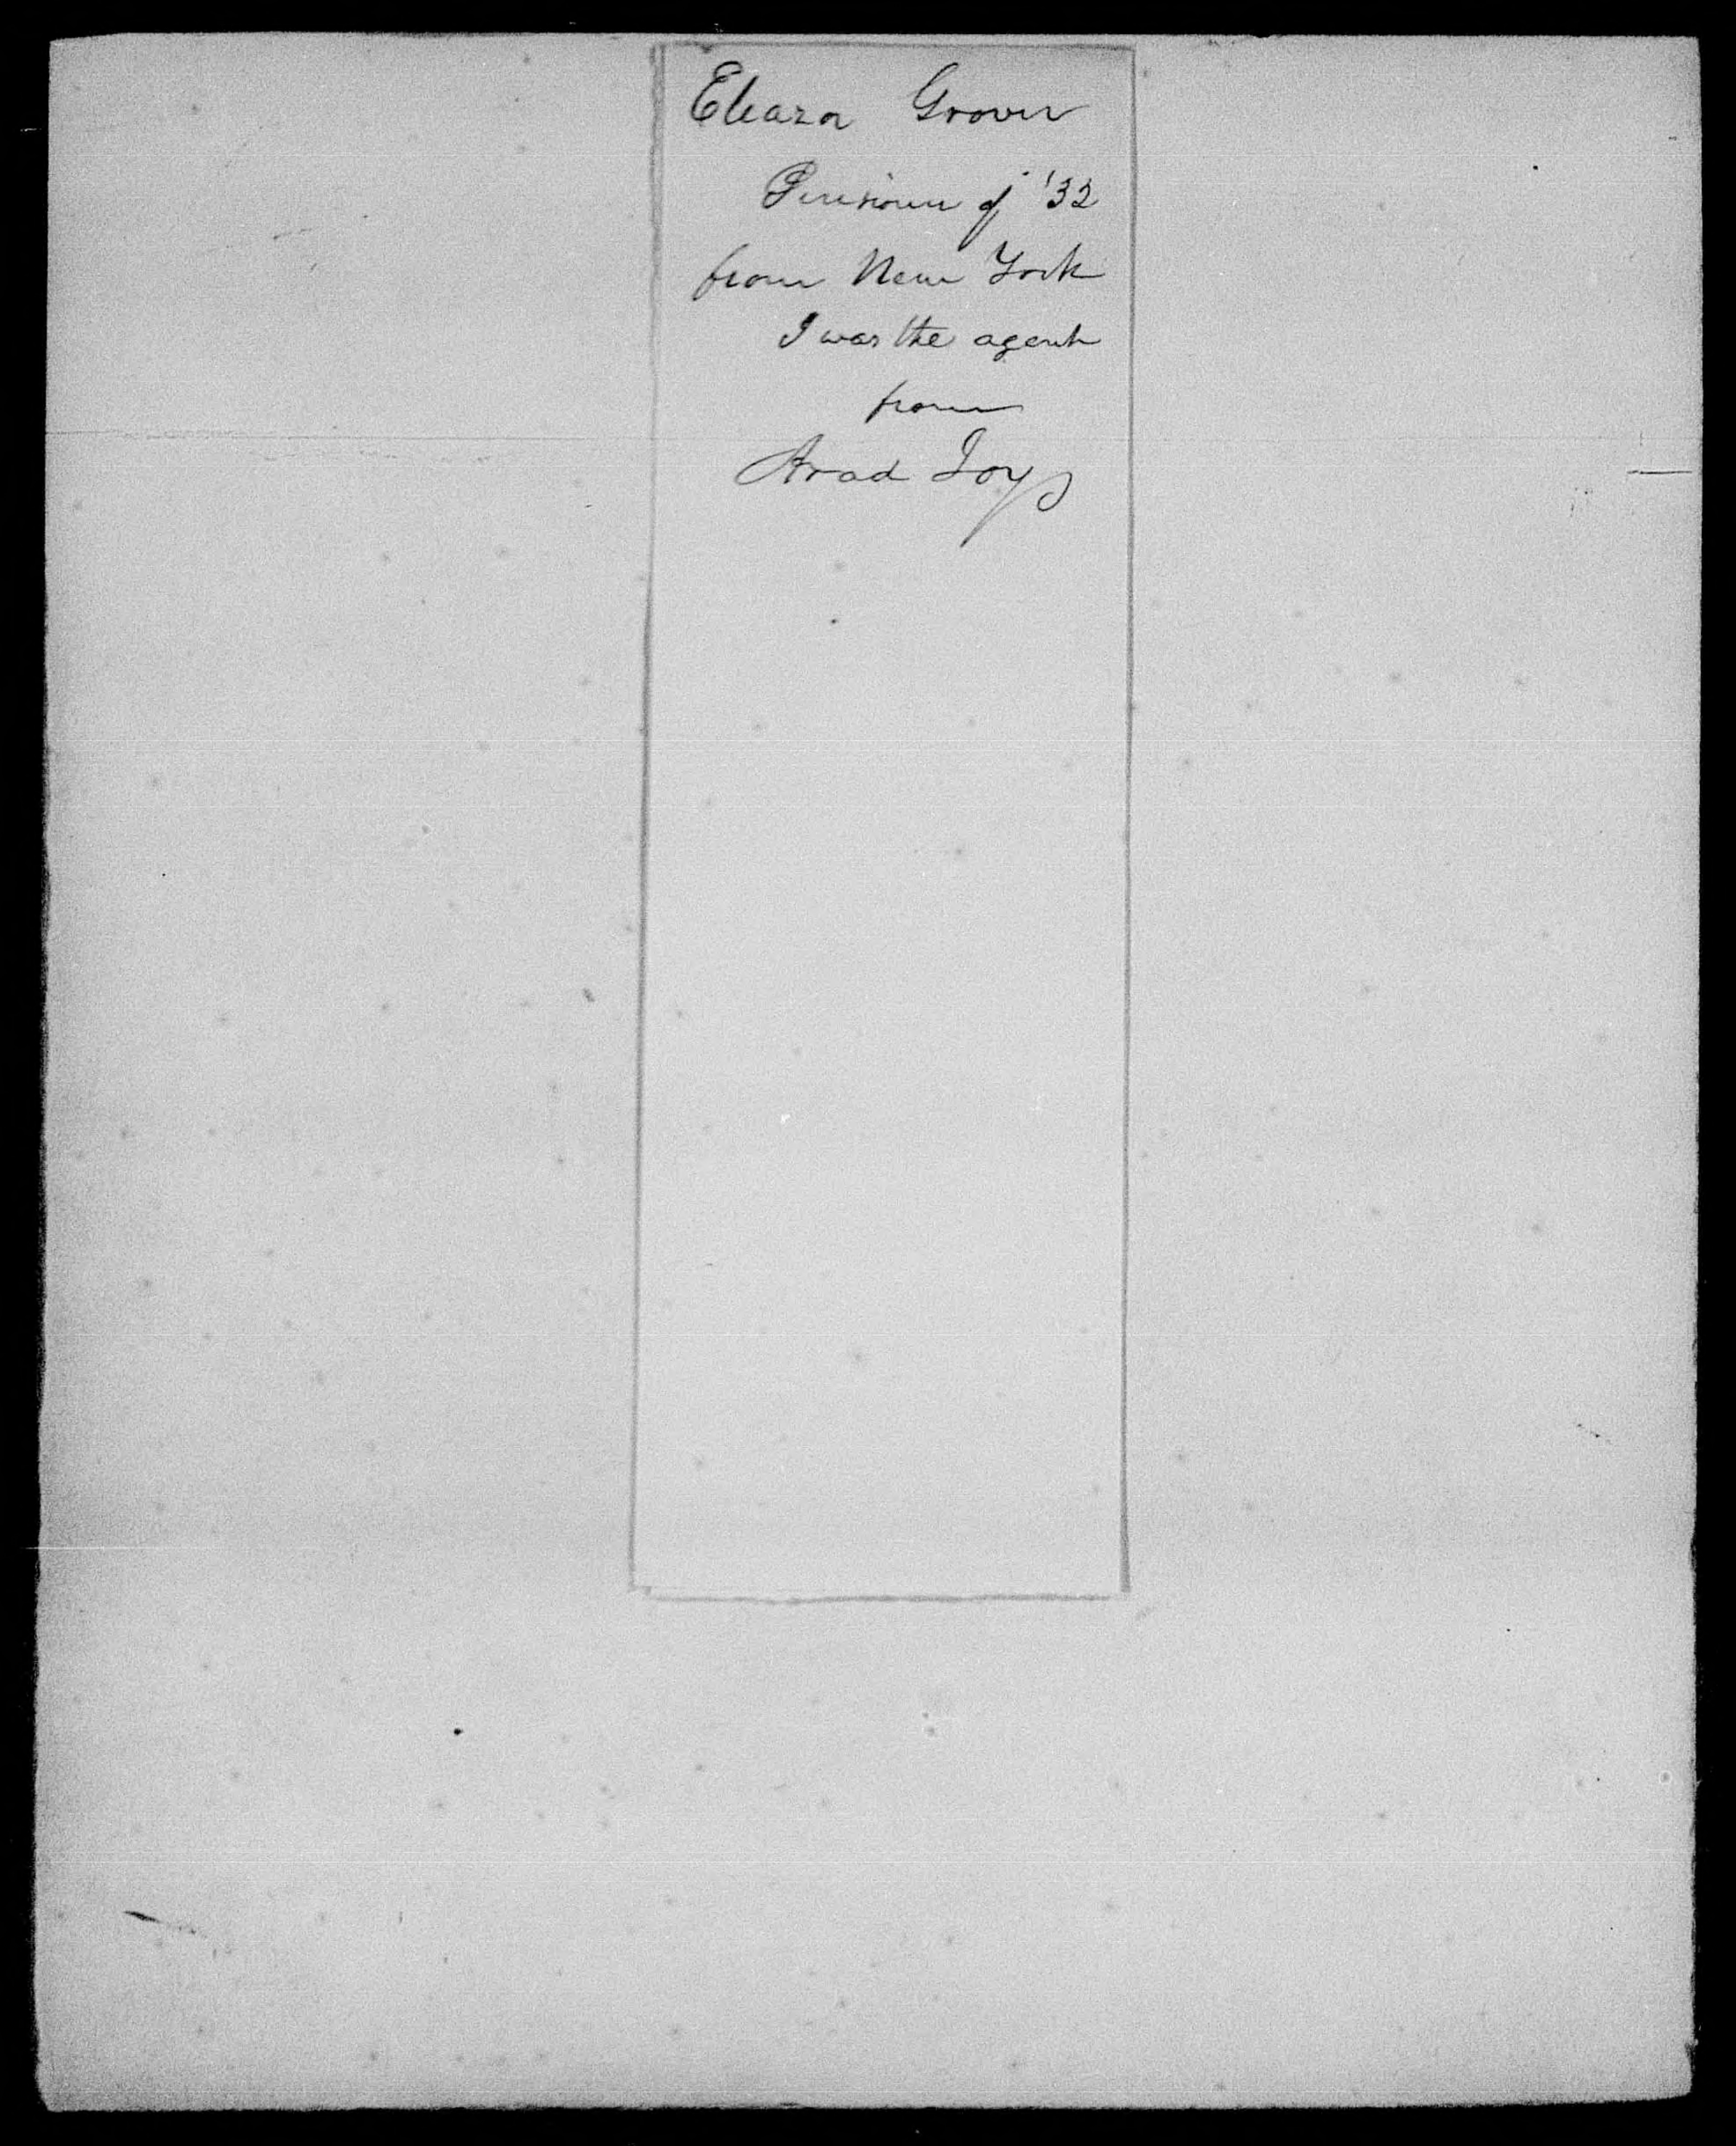Eleazer Grover Pensioner of '32 from New York 
I was the agent from Arad Joy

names: Arad Joy, Eleazor Grover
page: 35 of 43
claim: survivor's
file: S. 28748, Eleazer Grover, Continental Mass. Vt.